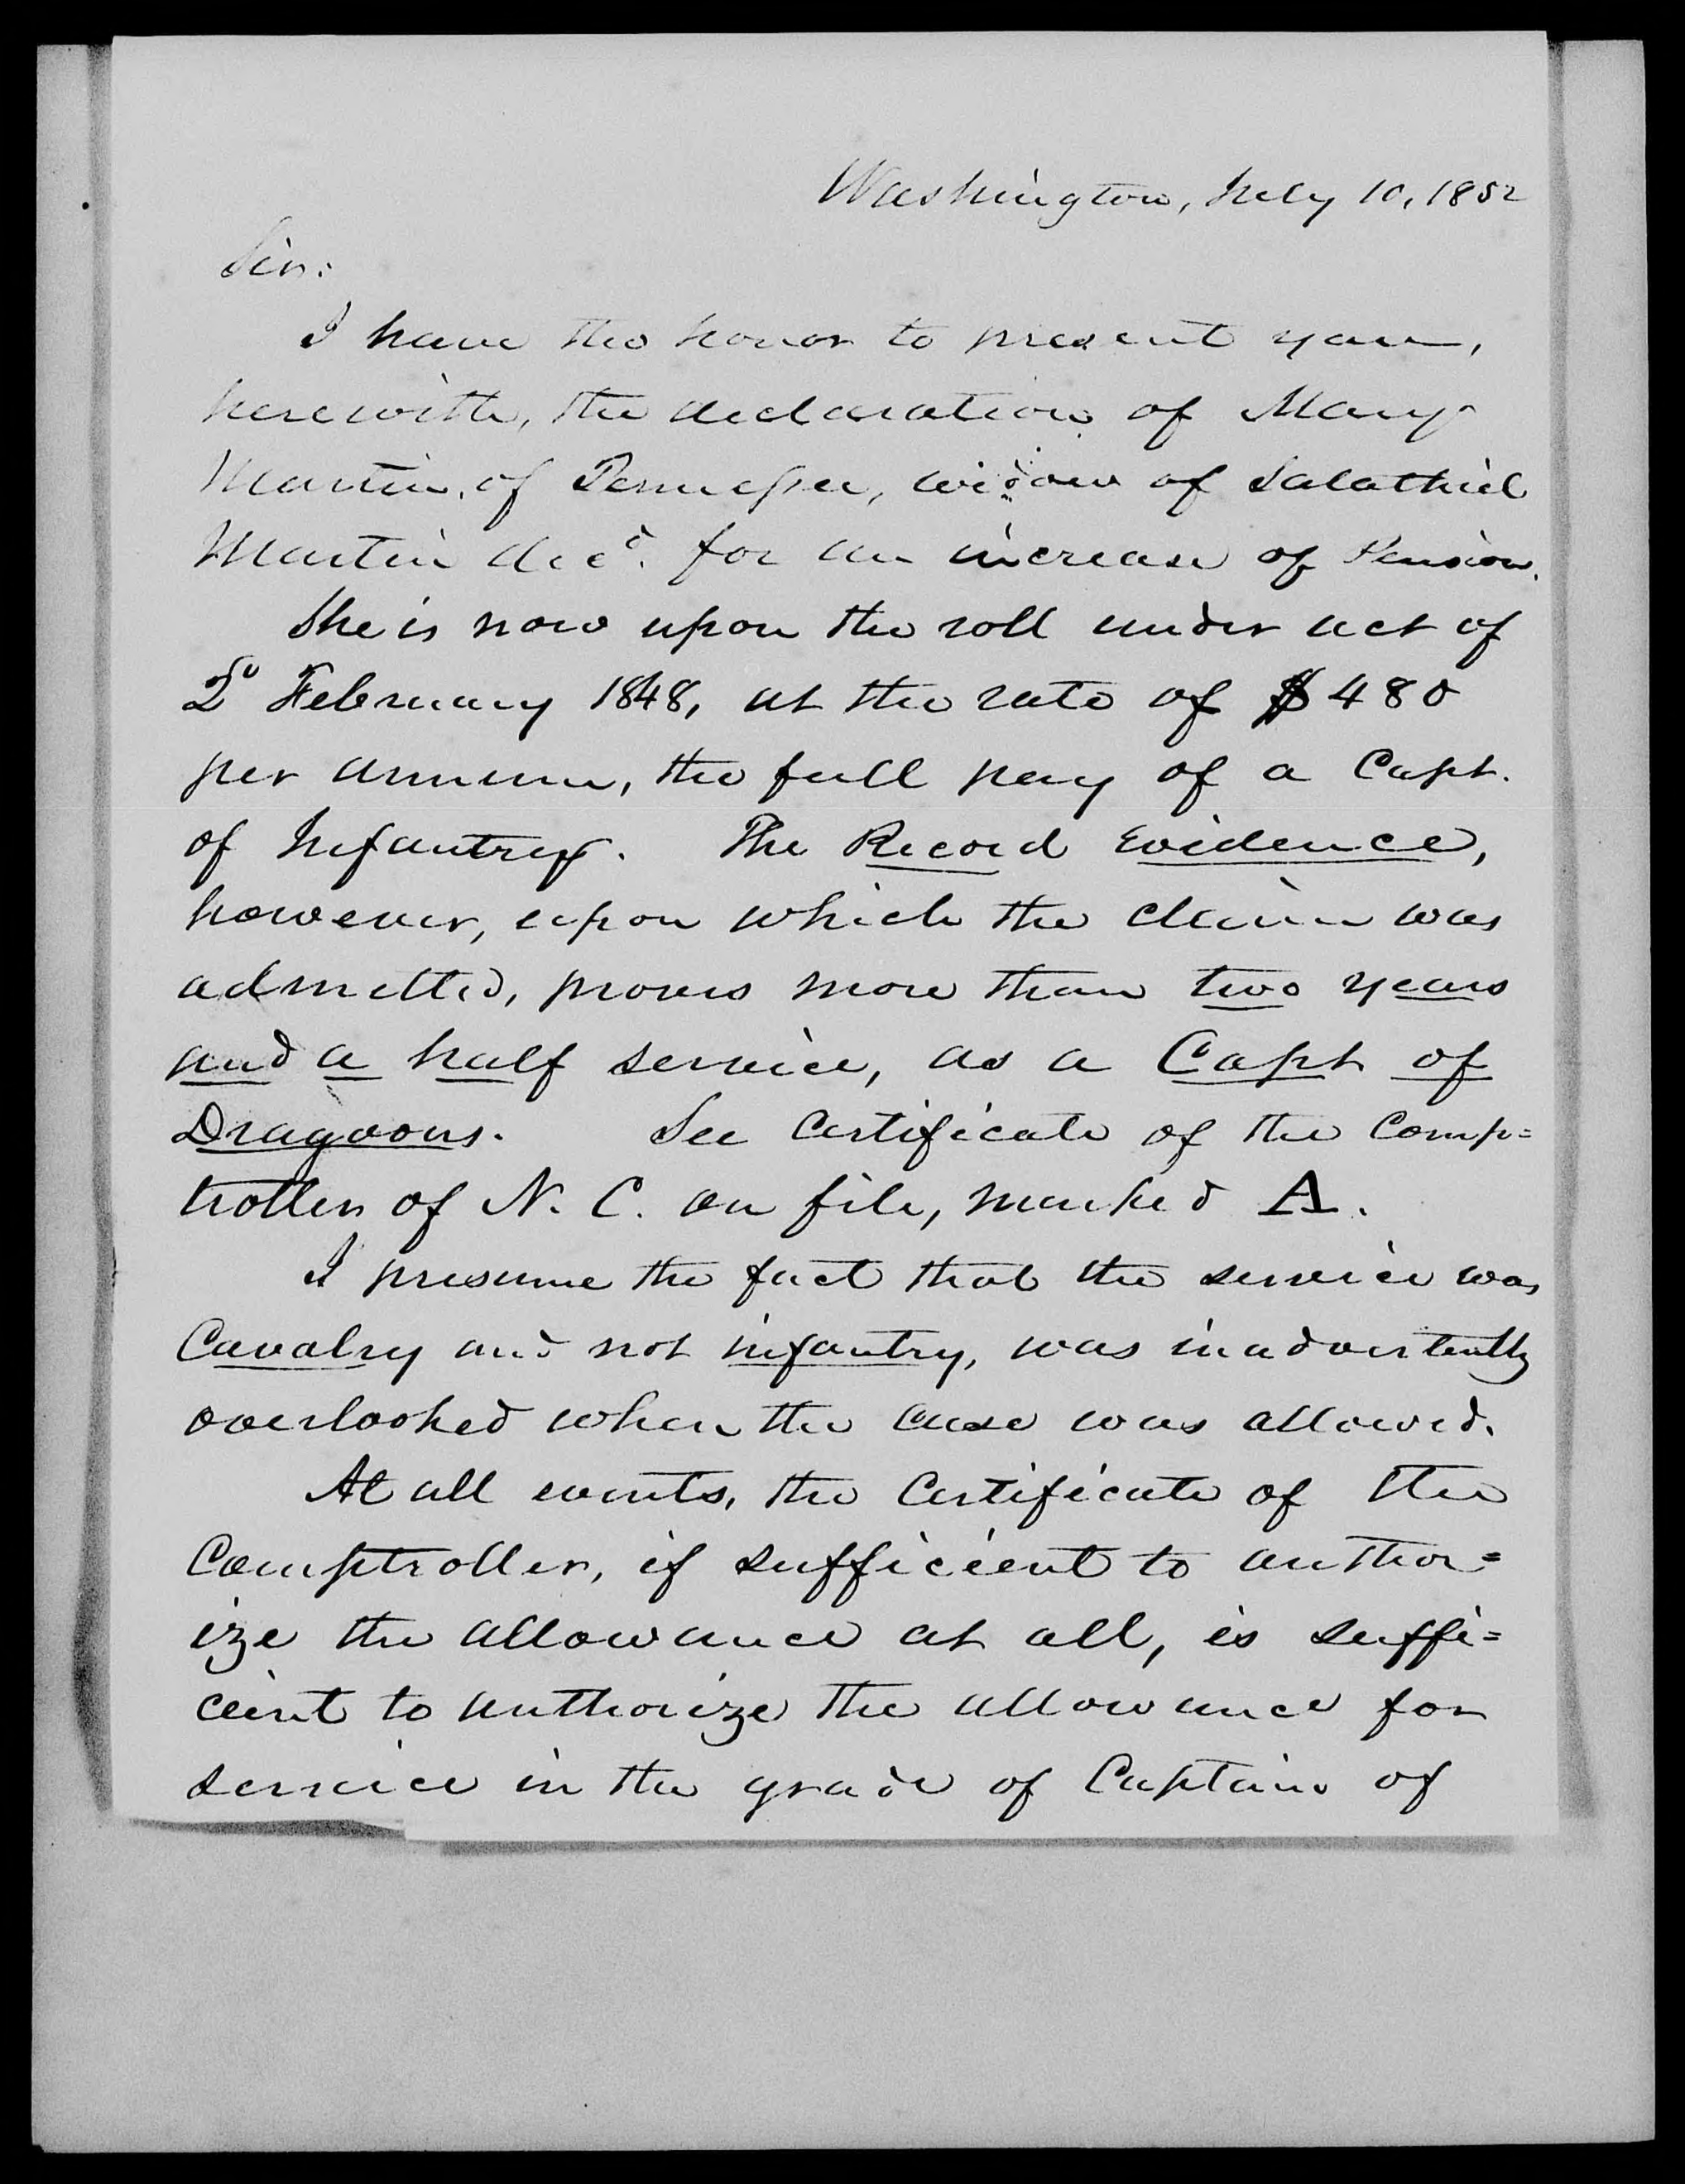Washington, July 10, 1852
Sir:
I have the honor to present you,
herewith the declaration of Mary
Martin of Tennessee, widow of Salathiel
Martin decd. for an increase of Pension.
She is now upon the roll under act of
2d February 1848, at the rate of $480
per annum, the fully pay of a Capt.
of Infantry.  The Record Evidence,
however, upon which the claim was
admitted, proves more than two years
and a half service, as a Capt of
Dragoons.  See Certificate of the Comp=
troller of N.C. on file, marked A.
I presume the fact that the service was
cavalry and not infantry, was inadvertently
overlooked when the case was allowed.
At all events, the certificate of the 
Comptroller, if sufficient to author=
ize the allowance at all, is suffi=
cient to authorize the allowance for
service in the grade of Captain of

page: 38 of 120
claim: widow's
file: W. 1044, for Salathiel Martin, North Carolina